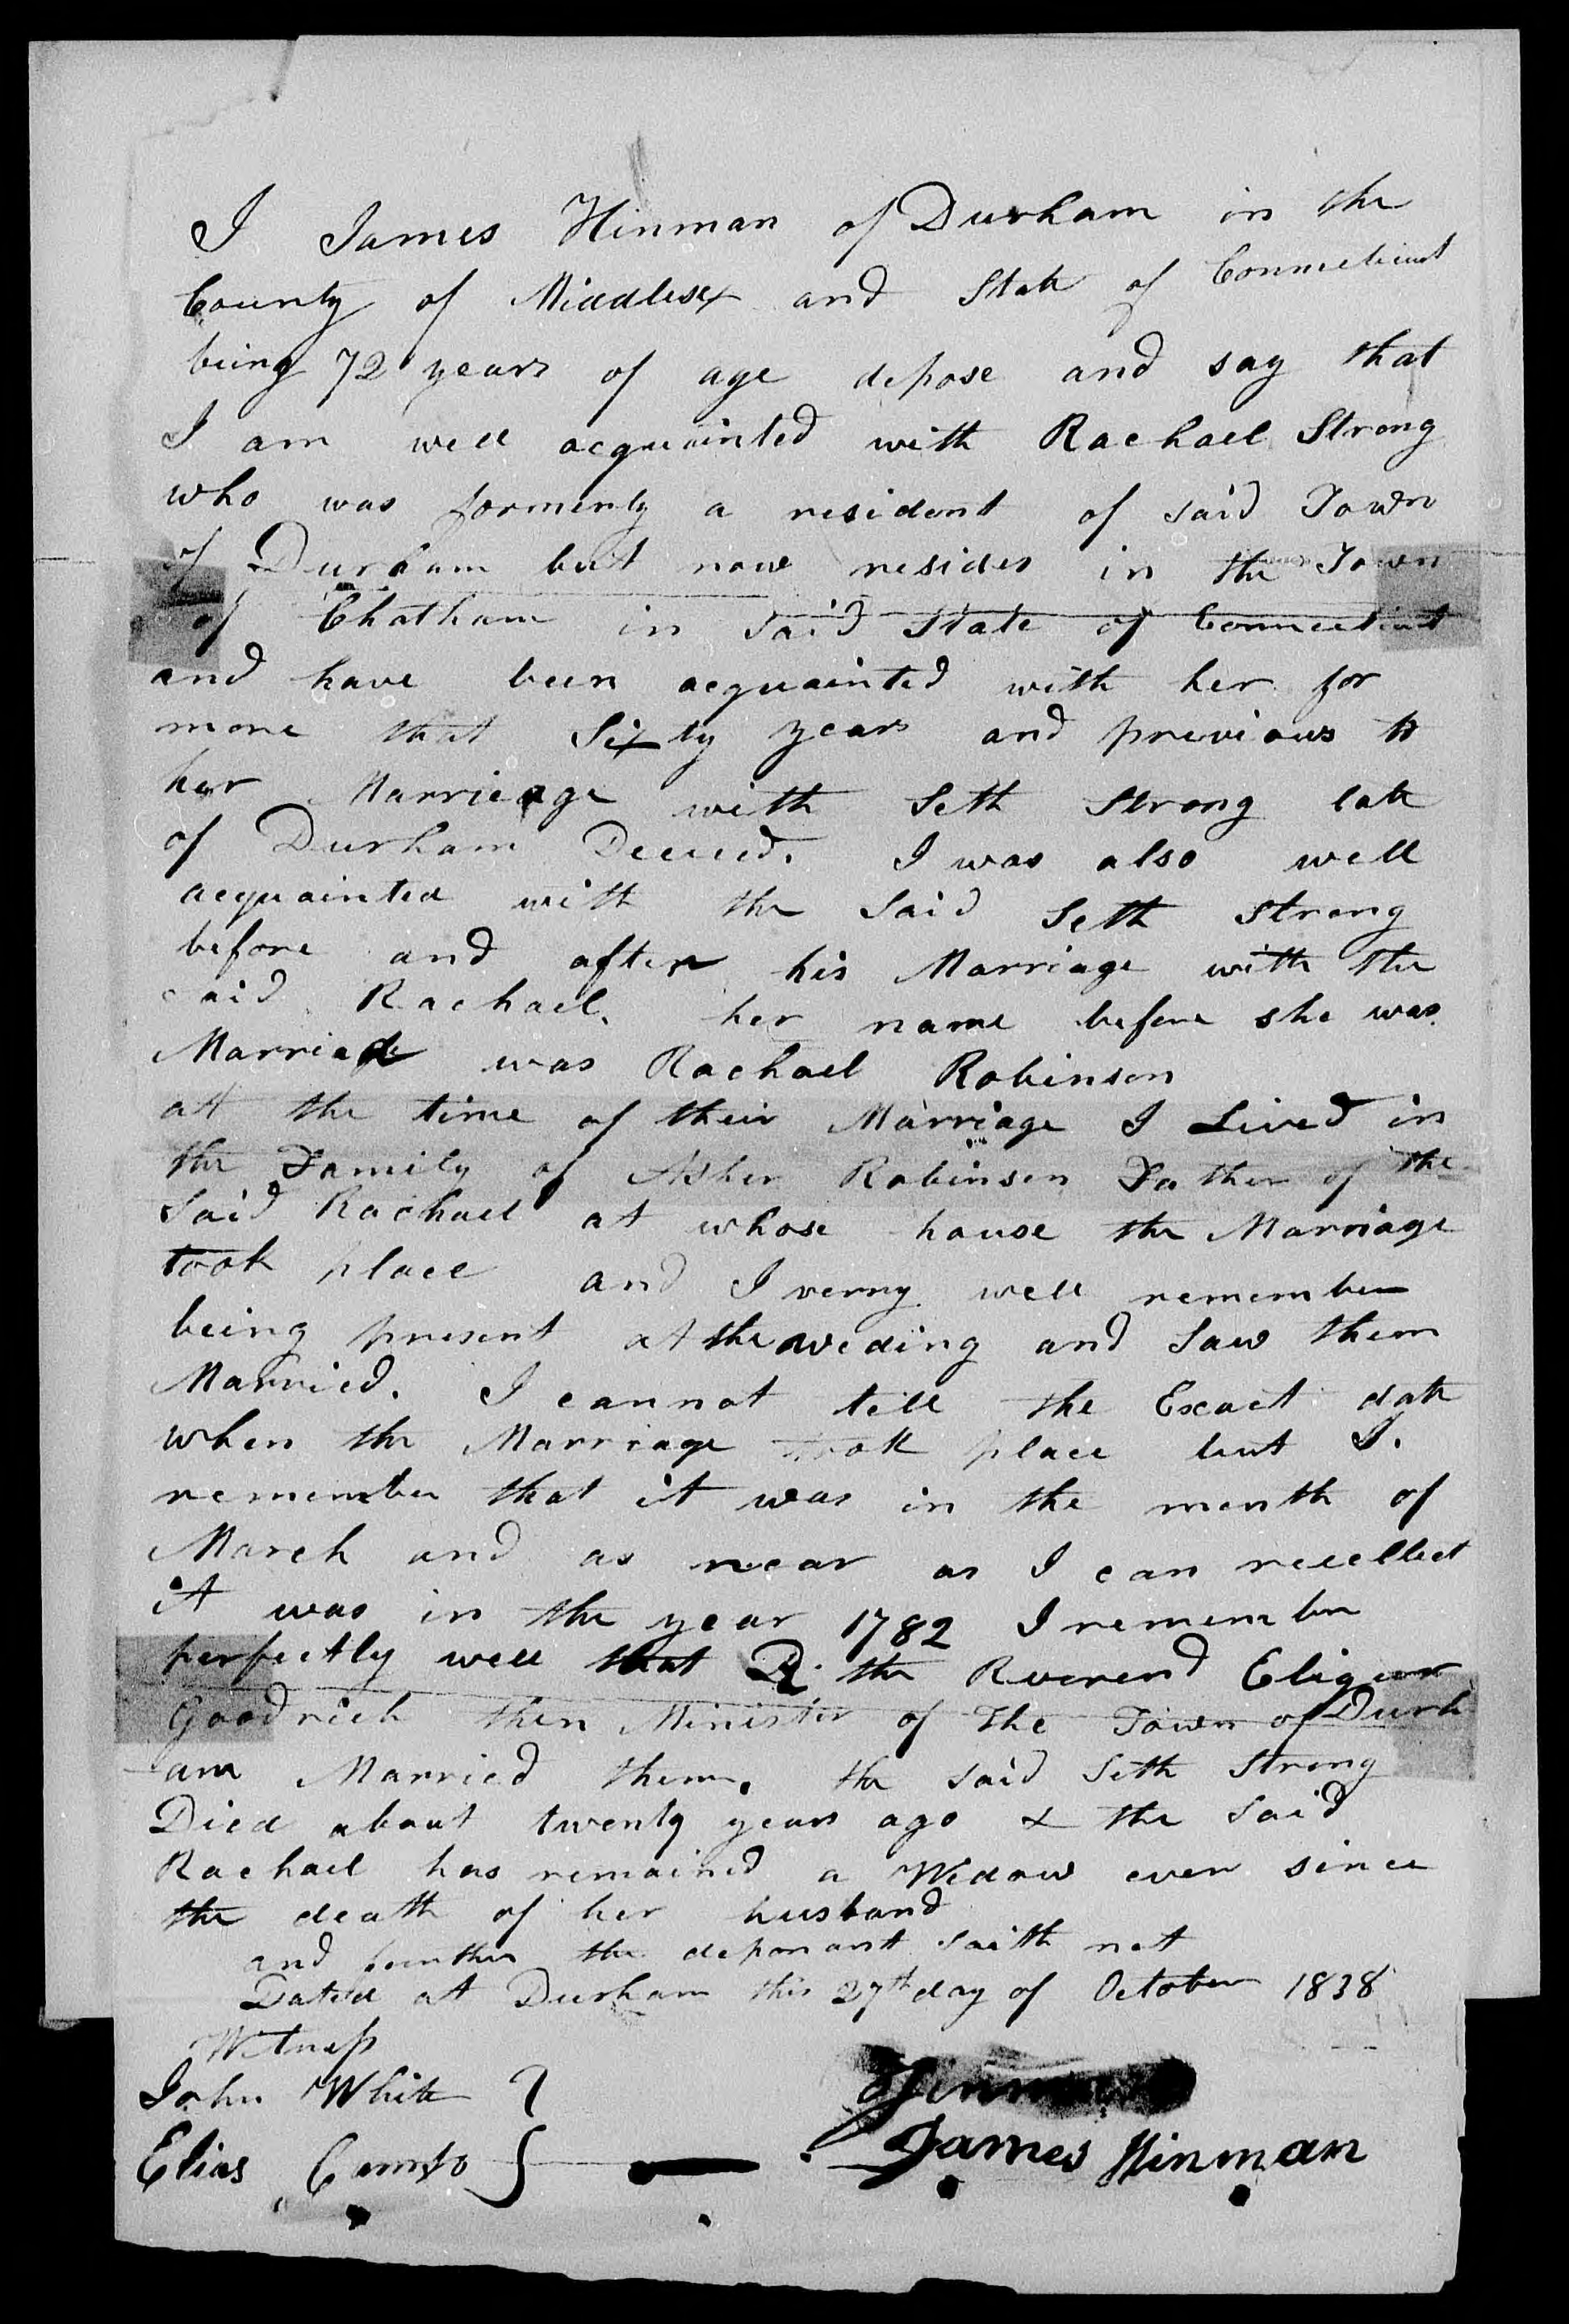I James Hinman of Durham in the County of Middlesex and State of Connecticut being 72 years of age depose and say that I am well acquainted with Rachael Strong who was formerly a resident of said Town of Durham but now resides in the Town of Chatham in Said State of Connecticut and have been acquainted with her for more than Sixty years and previous to her Marriage with Seth Strong late of Durham Deceased. I was also well acquainted with the Said Seth Strong before and after his Marriage with the said Rachael. her name before she was Married was Rachael Robinson 
at the time of their Marriage I Lived in the Family of Asher Robinson Father of the Said Rachael at whose house the Marriage took place and I very well remember being present at the weding and Saw them Married. I cannot tell the Exact date when the Marriage took place but I remember that it was in the month of March and as near as I can recollect it was in the year 1782 I remember perfectly well that the Reverend Elizur Goodrich then Minister of The Town of Durham Married them. the said Seth Strong Died about twenty years ago & the Said Rachael has remained a Widow ever since the death of her husband
And further the deponent saith not
Dated at Durham this 27th day of October 1838
James Hinman

Witness
John White
Elias Com[Illegible]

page: 9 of 47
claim: widow's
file: W. 17879, for Seth Strong, Connecticut